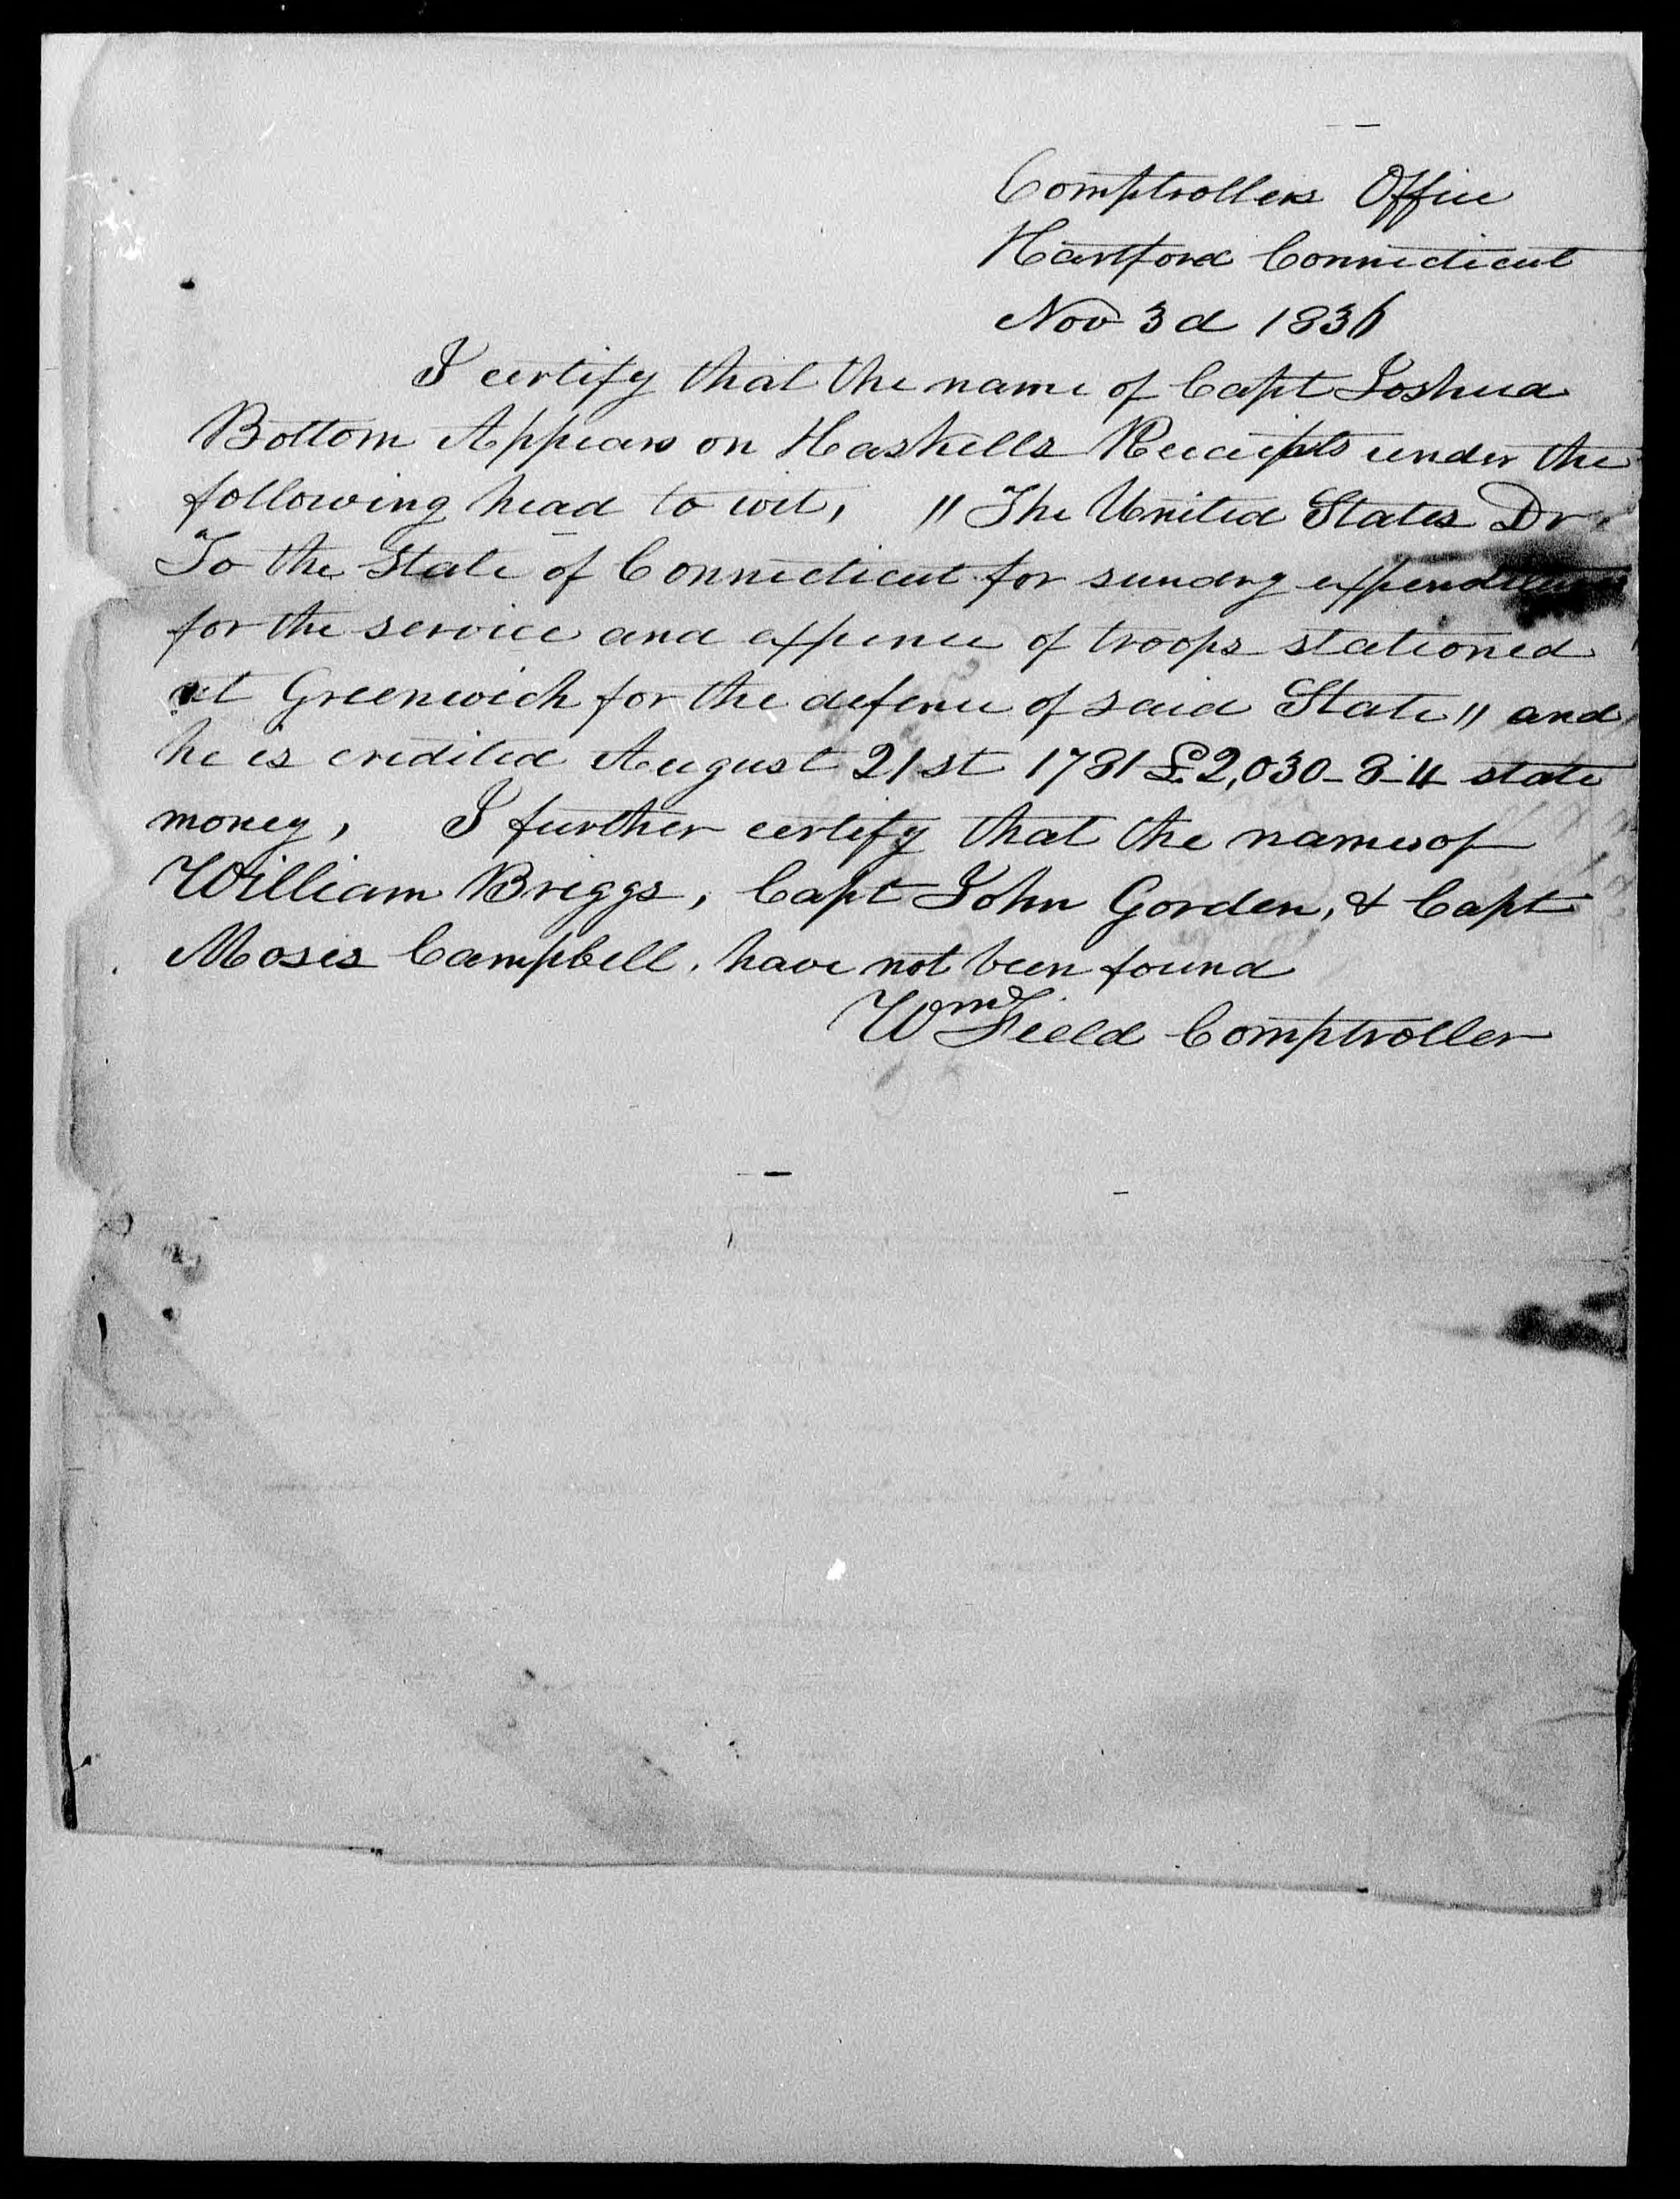Comptrollers Office
                                      Hartford, Connecticut
                                      Nov 3d 1863

I certify that the name of Capt Joshua Bottom Appears on Haskill's Receipts under the following head to wit.  "The United States  Dr...  to the State of Connecticut for sundry expenditures for the service and expense of troop stationed at Greenwich for the defense of said State"  and he is credited August 21st 1781 [Pound sign}2.030_8_4 state money,  I further certify that the names of William Briggs, Capt John Gorden, & Capt Moses Campbell, have not been found

                           Wm Field  Comptroller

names: Moses Campbell, Wm Field, Joshua Bottom, William Briggs, John Gorden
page: 20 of 37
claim: survivor's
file: S. 12,281, William Briggs, Conn.